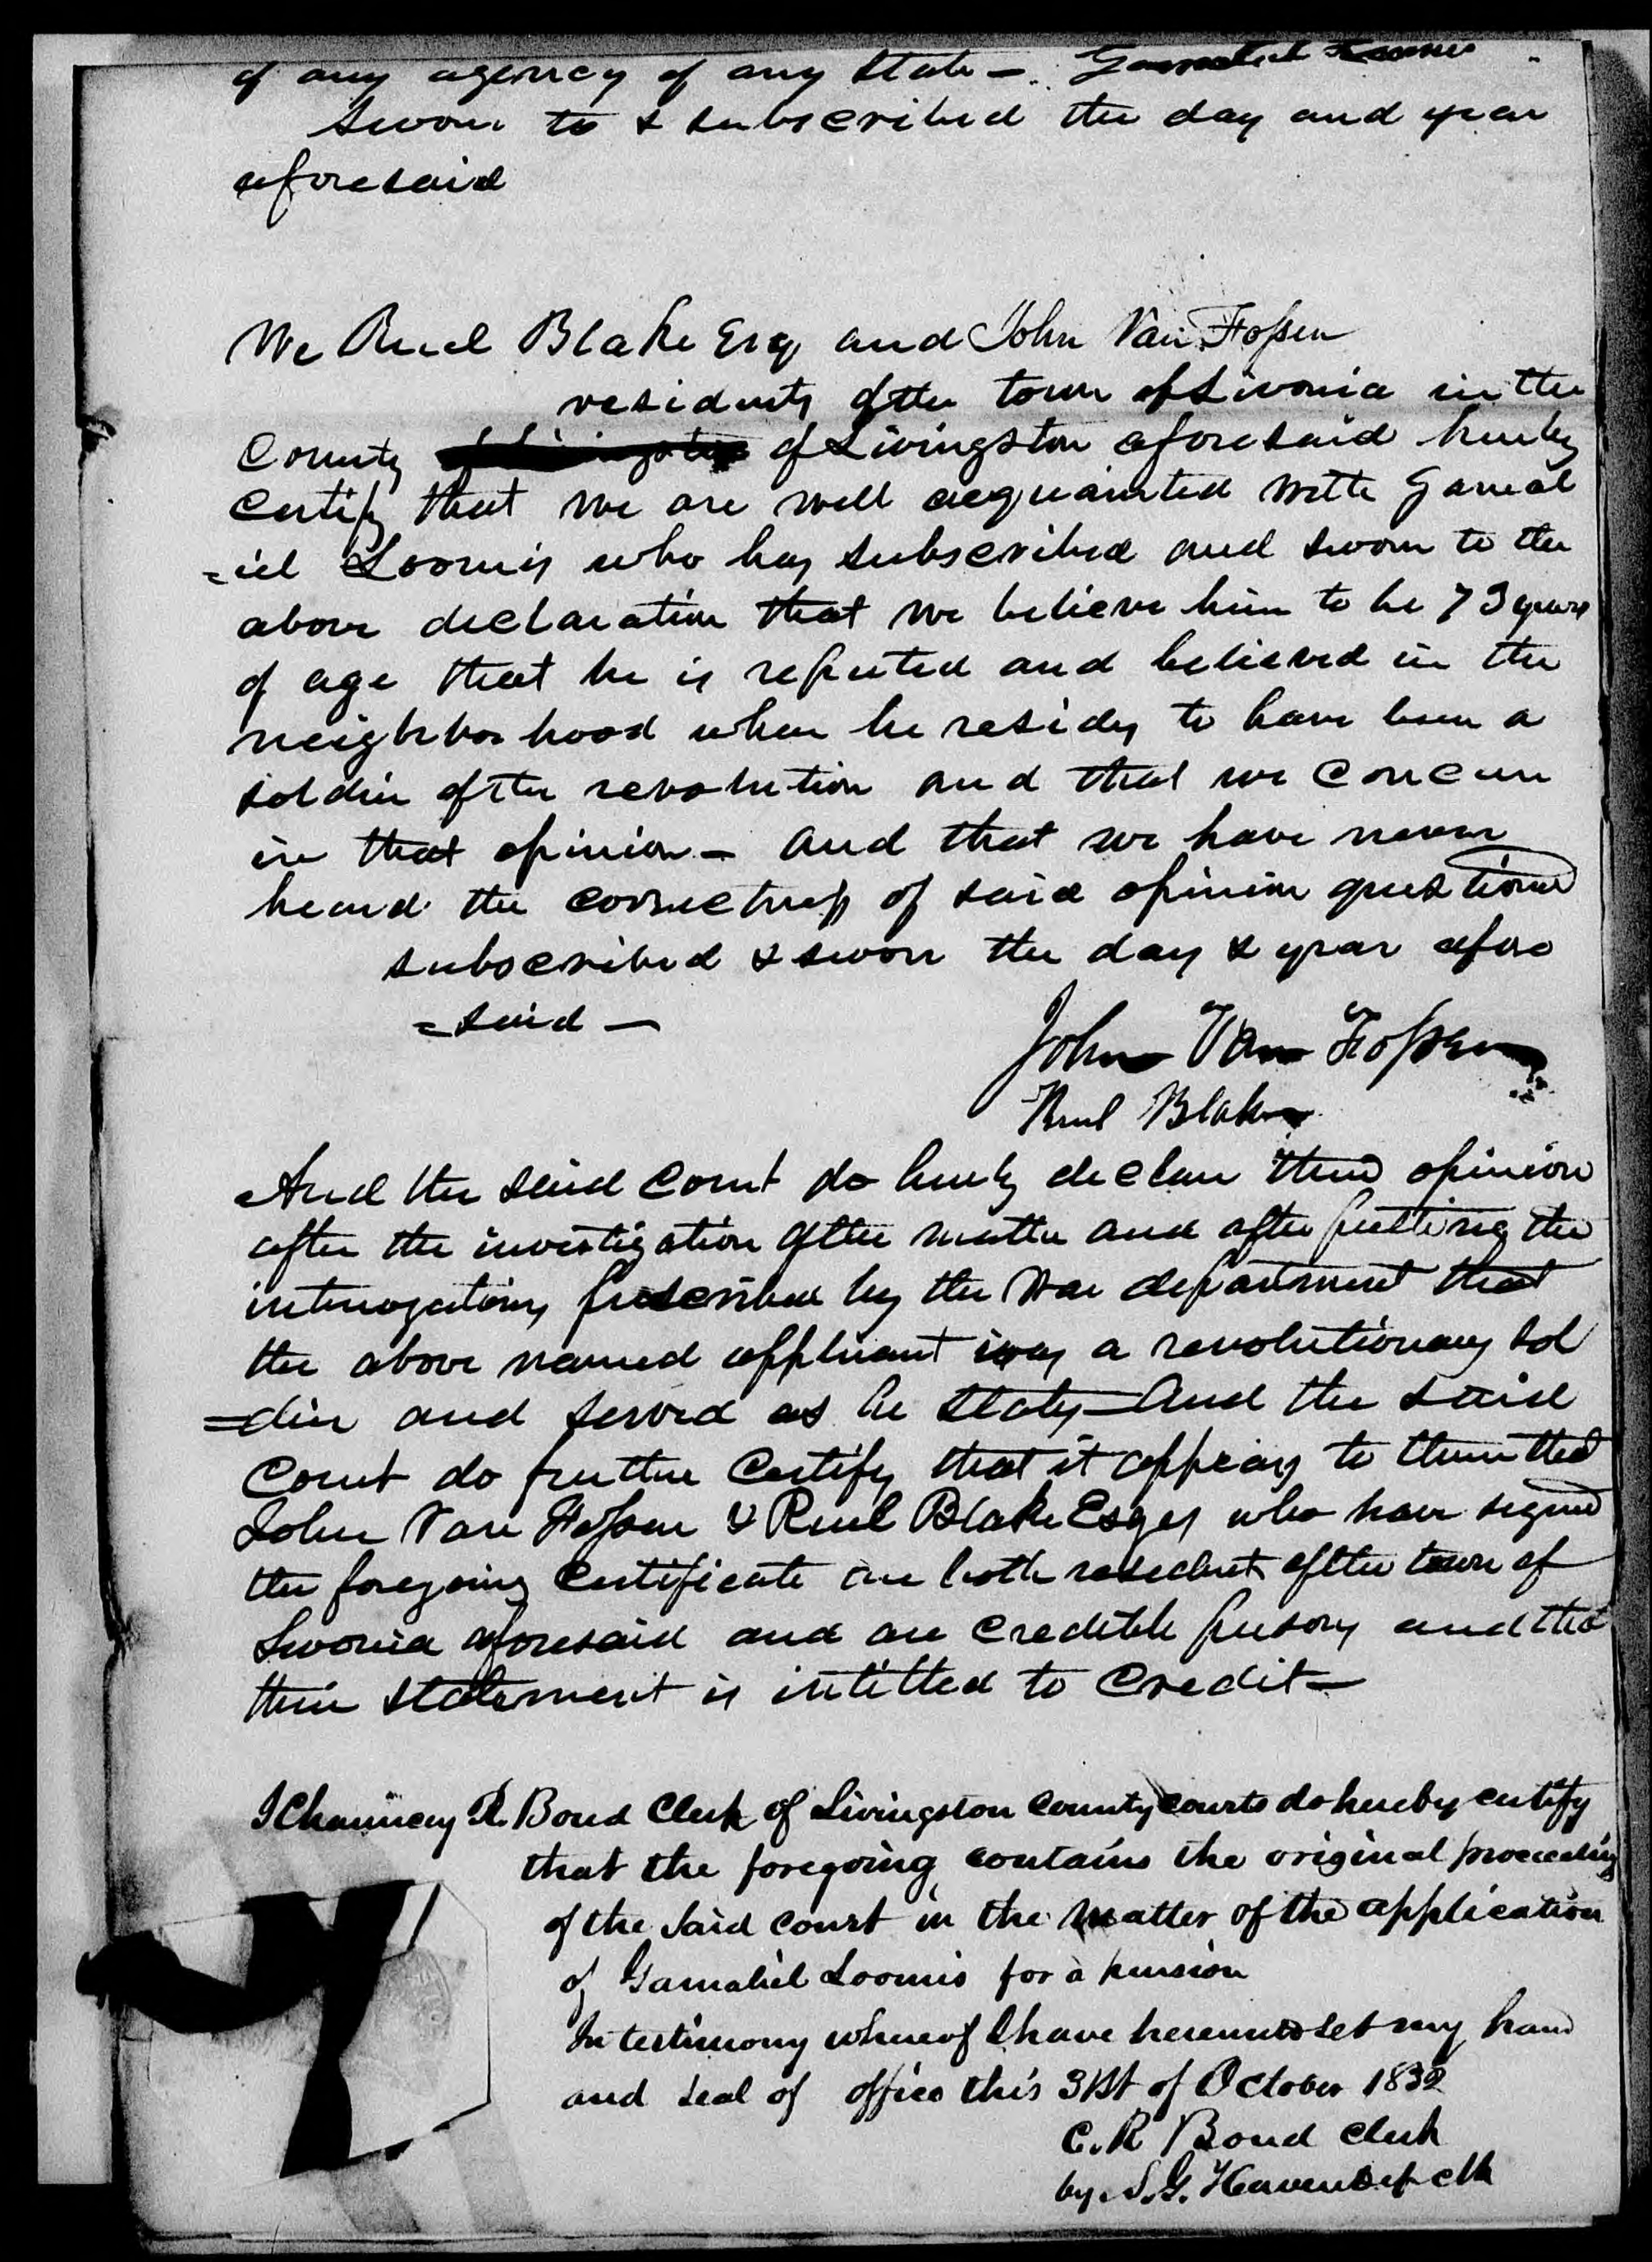of any agency of any State - Gamaliel Loomis
Sworn to & subscribed the day and year aforesaid

We Ruel Blake Esq and John Van Fossen residents of the town of Livonia in the County [crossed out] of Livingston aforesaid hereby certify that we are well acquainted with Gamaliel Loomis who has subscribed and sworn to the above declaration that we believe him to be 73 years of age that he is reputed and believed in the neighborhood where he resides to have been a soldier of the revolution and that we concur in that opinion - and that we have never heard the correctness of said opinion questioned
Subscribed & sworn the day & year aforesaid - 
John Van Fossen
Ruel Blake

And the said Court do hereby concur thus opinion after the investigation of the matter and after putting the interrogatories presented by the War department that the above named applicant was a revolutionary soldier and served as he states - And the said Court do further certify that it appears to them that John Van Fossen & Ruel Blake Esq who have signed the foregoing certificate are both residents of the town of Livonia aforesaid and are credible persons and that their statement is entitled to credit -

I Chauncey R Bond Clerk of Livingston County Courts do hereby certify that the foregoing contains the original proceeding of the said court in the matter of the application of Gamaliel Loomis for a pension.
In testimony whereof I have hereunto set my hand and seal of office this 31st day of October 1832
C.R. Bond Clerk
by S.G. Haven Dep. Clk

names: Chauncey R Bond; S G Haven; Ruel Blake; John Van Fossen; Gamaliel Loomis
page: 9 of 21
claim: rejected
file: R. 6444, for Gamaliel Loomis, Connecticut